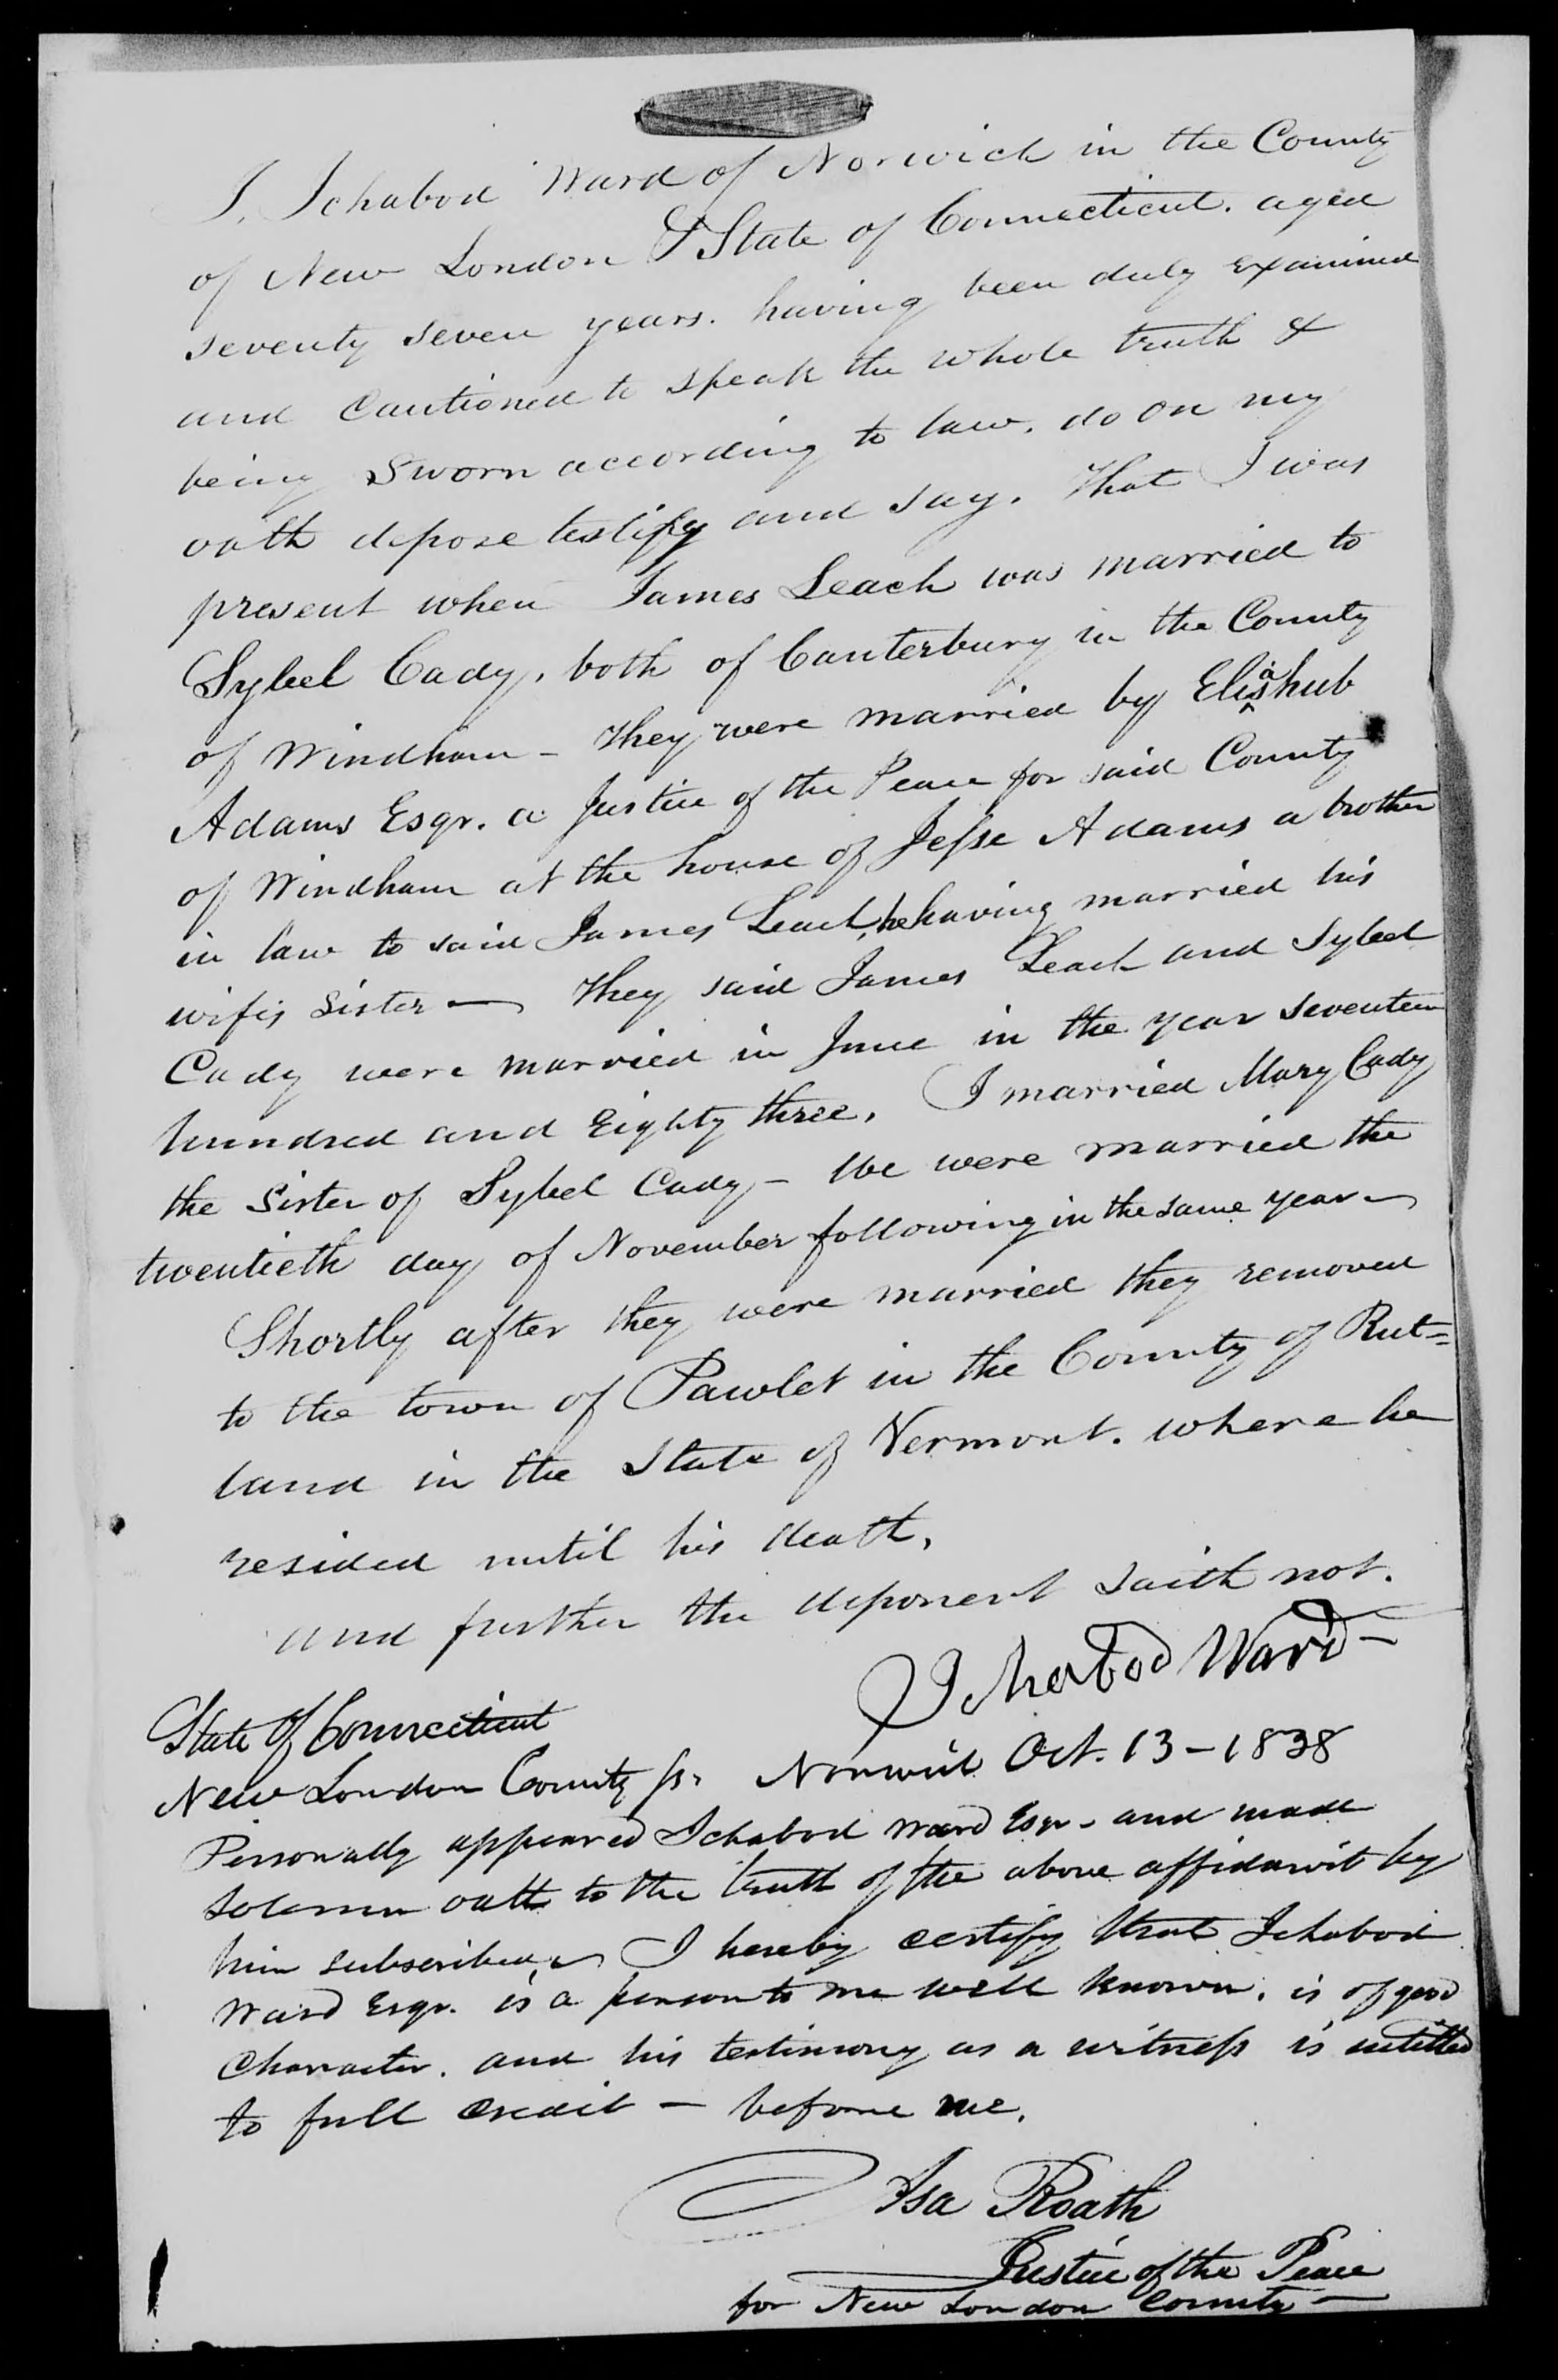I, Ichabod Ward of Norwich in the County of New London State of Connecticut, aged seventy seven years having been duly examined and cautioned to speak the whole truth & being sworn according to law, do on my oath depose testify and say that I was present when James Leach was married to Sybel Cady, both of Canterbury in the County of Windham - they were married by Eli^ashub Adams Esq. a Justice of the Peace for said County of Windham at the house of Jesse Adams a brother in law to said James Leach, he having married his wife's sister - they said James Leach and Sybel Cady were married in June in the year seventeen hundred and eighty three. I married Mary Cady the sister of Sybel Cady - we were married the twentieth day of November following in the same year. 
Shortly after they were married they removed to the town of Pawlet in the County of Rutland in the State of Vermont where he resided until his death, and further the deponent saith not.
Ichabod Ward
State of Connecticut
New London County Ss
Norwich Oct 13 - 1838
Personally appeared Ichabod Ward Esq and made solemn oath to the truth of the above affidavit by him subscribed. I hereby certify that Ichabod Ward Esq is a person to me well known, is of good character and his testimony as a witness is entitled to full credit - before me
Asa Roath
Justice of the Peace for New London County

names: James Leach; Ichabod Ward; Eliashub Adams; Asa Roath; Jesse Adams; Mary Cady; Sybel Cady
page: 14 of 27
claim: widow's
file: W. 24,500, for James Leach, Connecticut